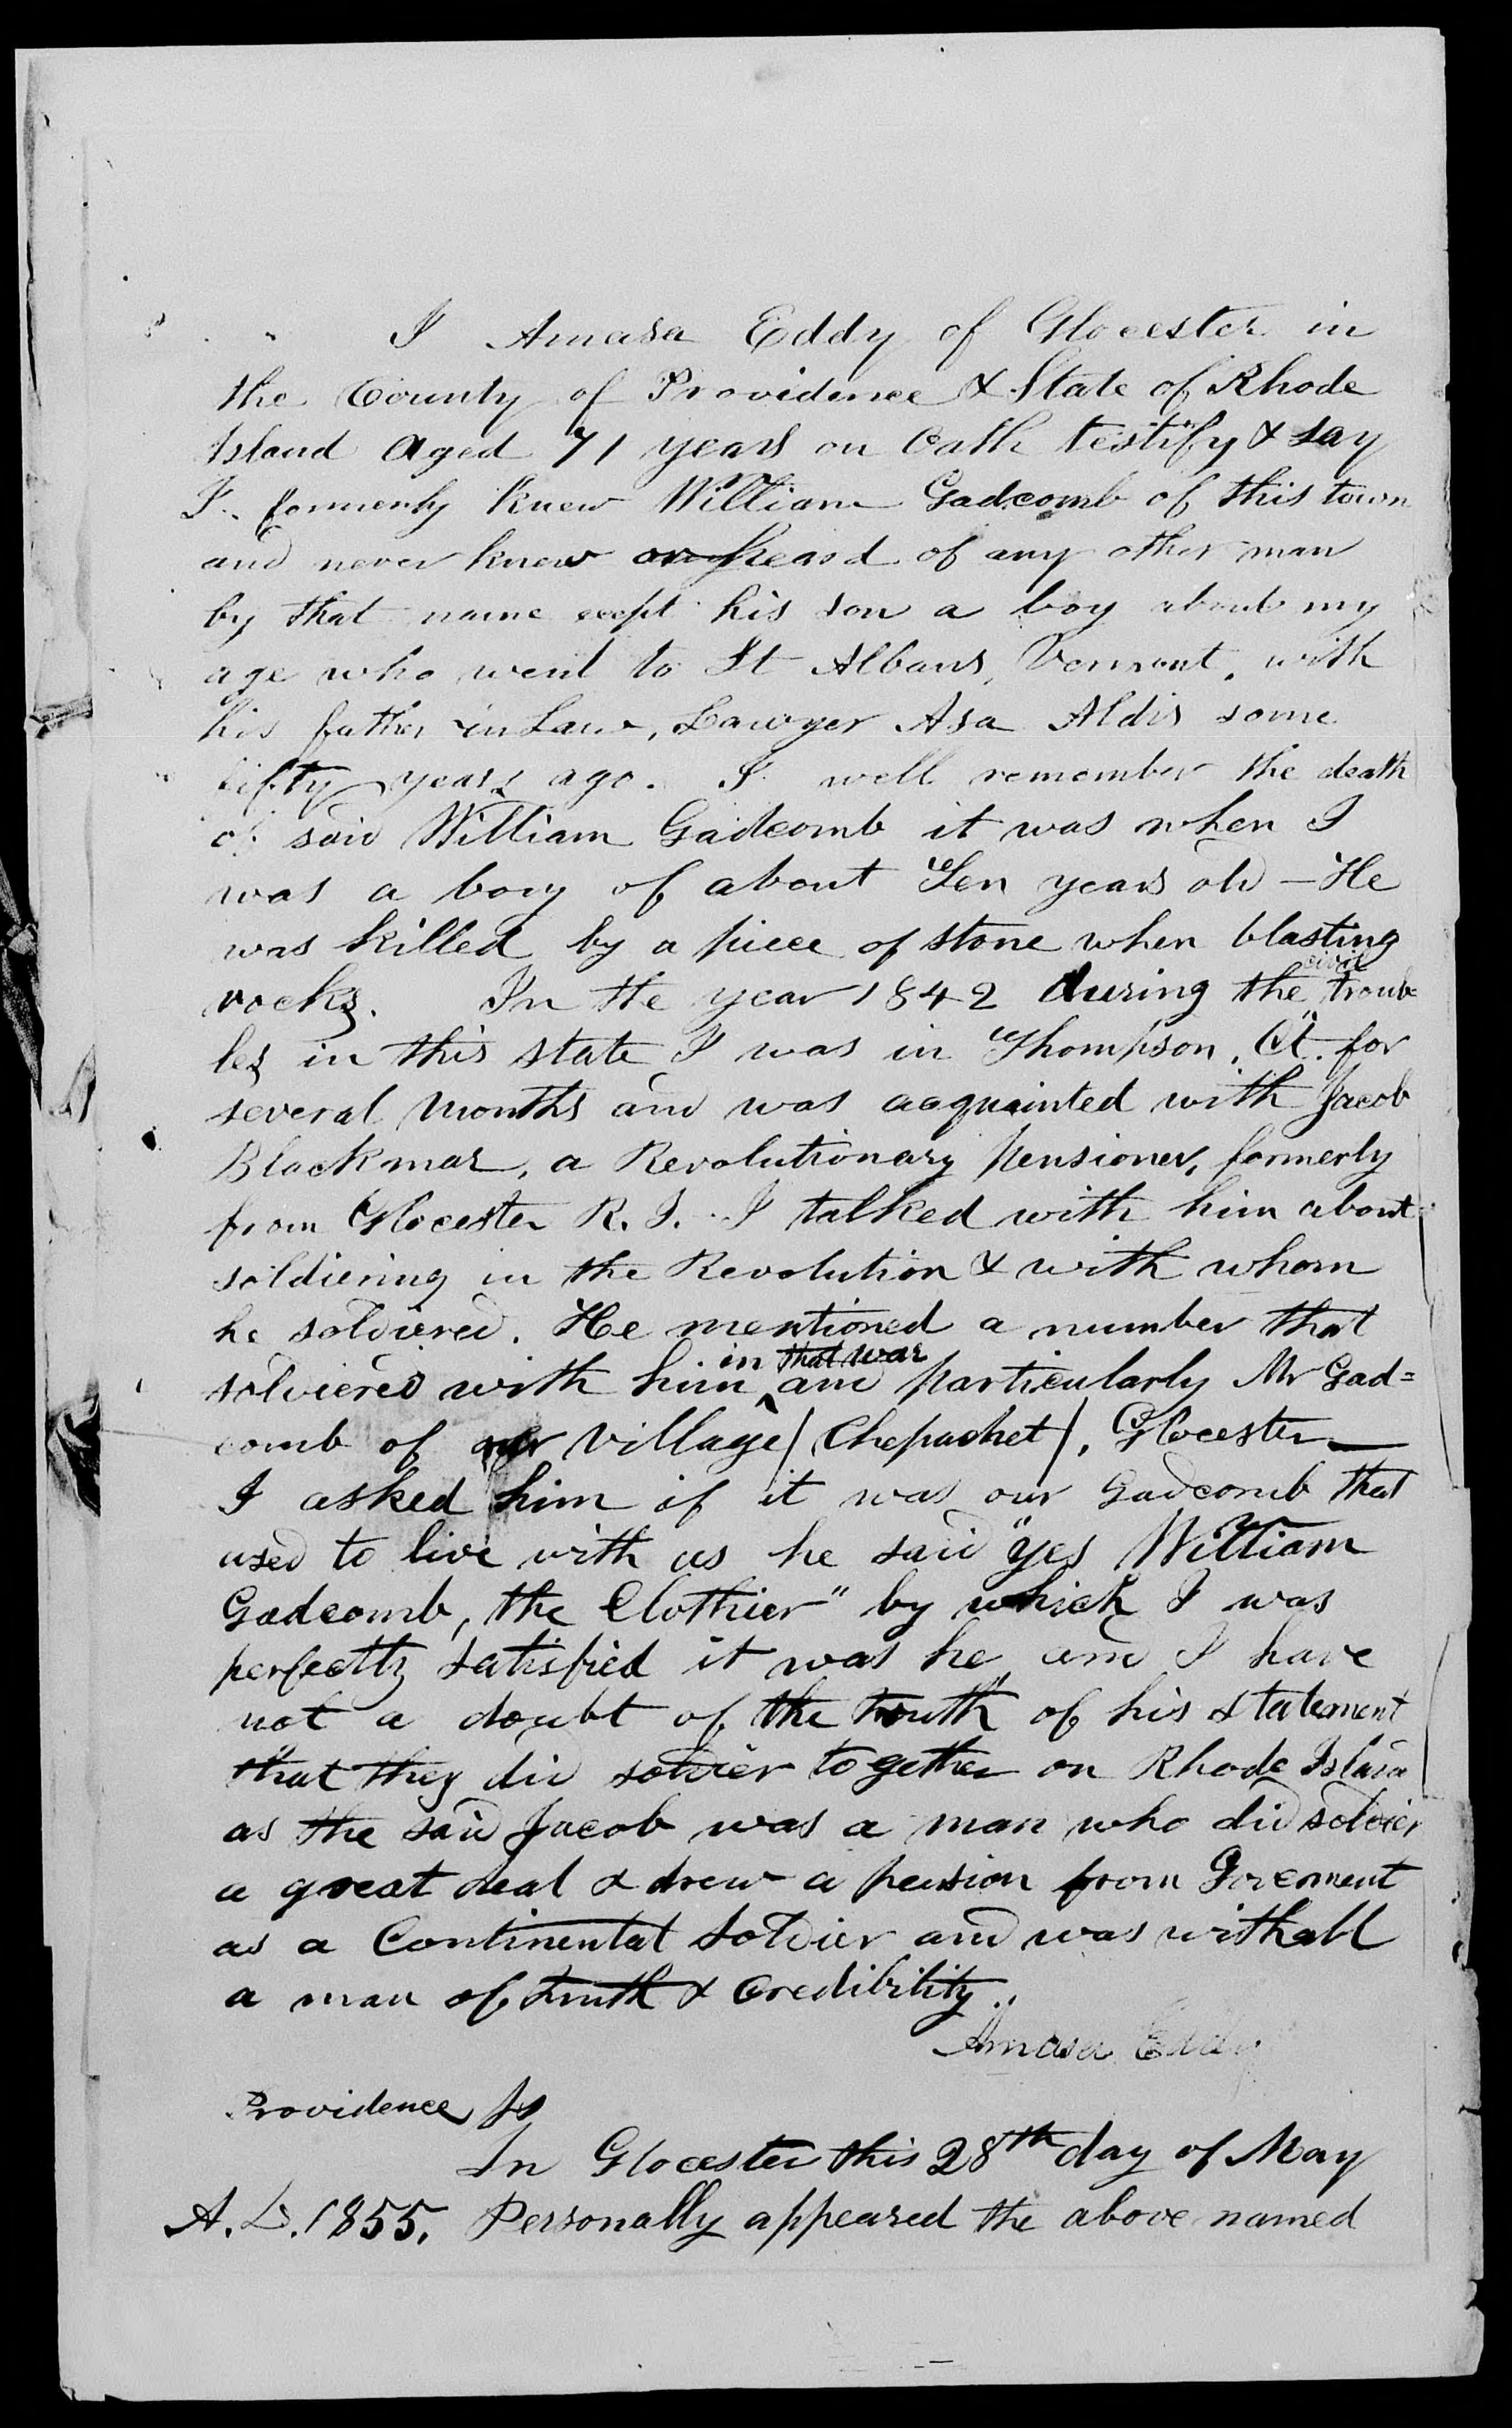I Amasa Eddy of Glocester in the County of Providence and State of Rhode Island aged 71 years on oath testify and say I formerly knew William Gadcomb of this town and never knew or heard of any other man by that name except his son a boy about my age who went to St. Albans, Vermont, with his father-in-law, Lawyer Asa Aldis some fifty years ago. I well remember the death of said WIlliam Gadcomb it was when I was a boy of about ten years old - He was killed by a piece of stone when blasting rocks. In the year 1842 during the Cibil troubles in this state I was in Thompson, Ct. for several months and was acquainted with Jacob Blackmar, a Revolutionary pensioner, formerly from Glocester, R.I. I talked with him about soldiering in the Revolution and with whom he soldiered. He mentioned a number that soldiered with him in that war and particularly Mr. Gadcomb of our village/Chessashet/Glocester. I asked him if it was our Gadcomb that used to live with us he said "yes William Gadcomb, the Clothier" by which I was perfectly satisfied it was he and I have not a doubt of the truth of his statement that they did soldier together on Rhode Island as the said Jacob was a man who did soldier a great deal and drew a pension from government as a Continental Soldier and was withall a man of truth and credibility.
Amasa Eddy
Providence
In Glocester this 28th day of May A.D. 1855, personally appeared the above named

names: William Gadcomb, Gadcomb, Jacob, Asa Aldis, William Gadcomb, Jacob Blackmar, William Gadcomb, Amasa Eddy, Amasa Eddy, Gadcomb, Thompson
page: 64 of 76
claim: widow's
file: W. 15,517, William Gadcomb, R.I.